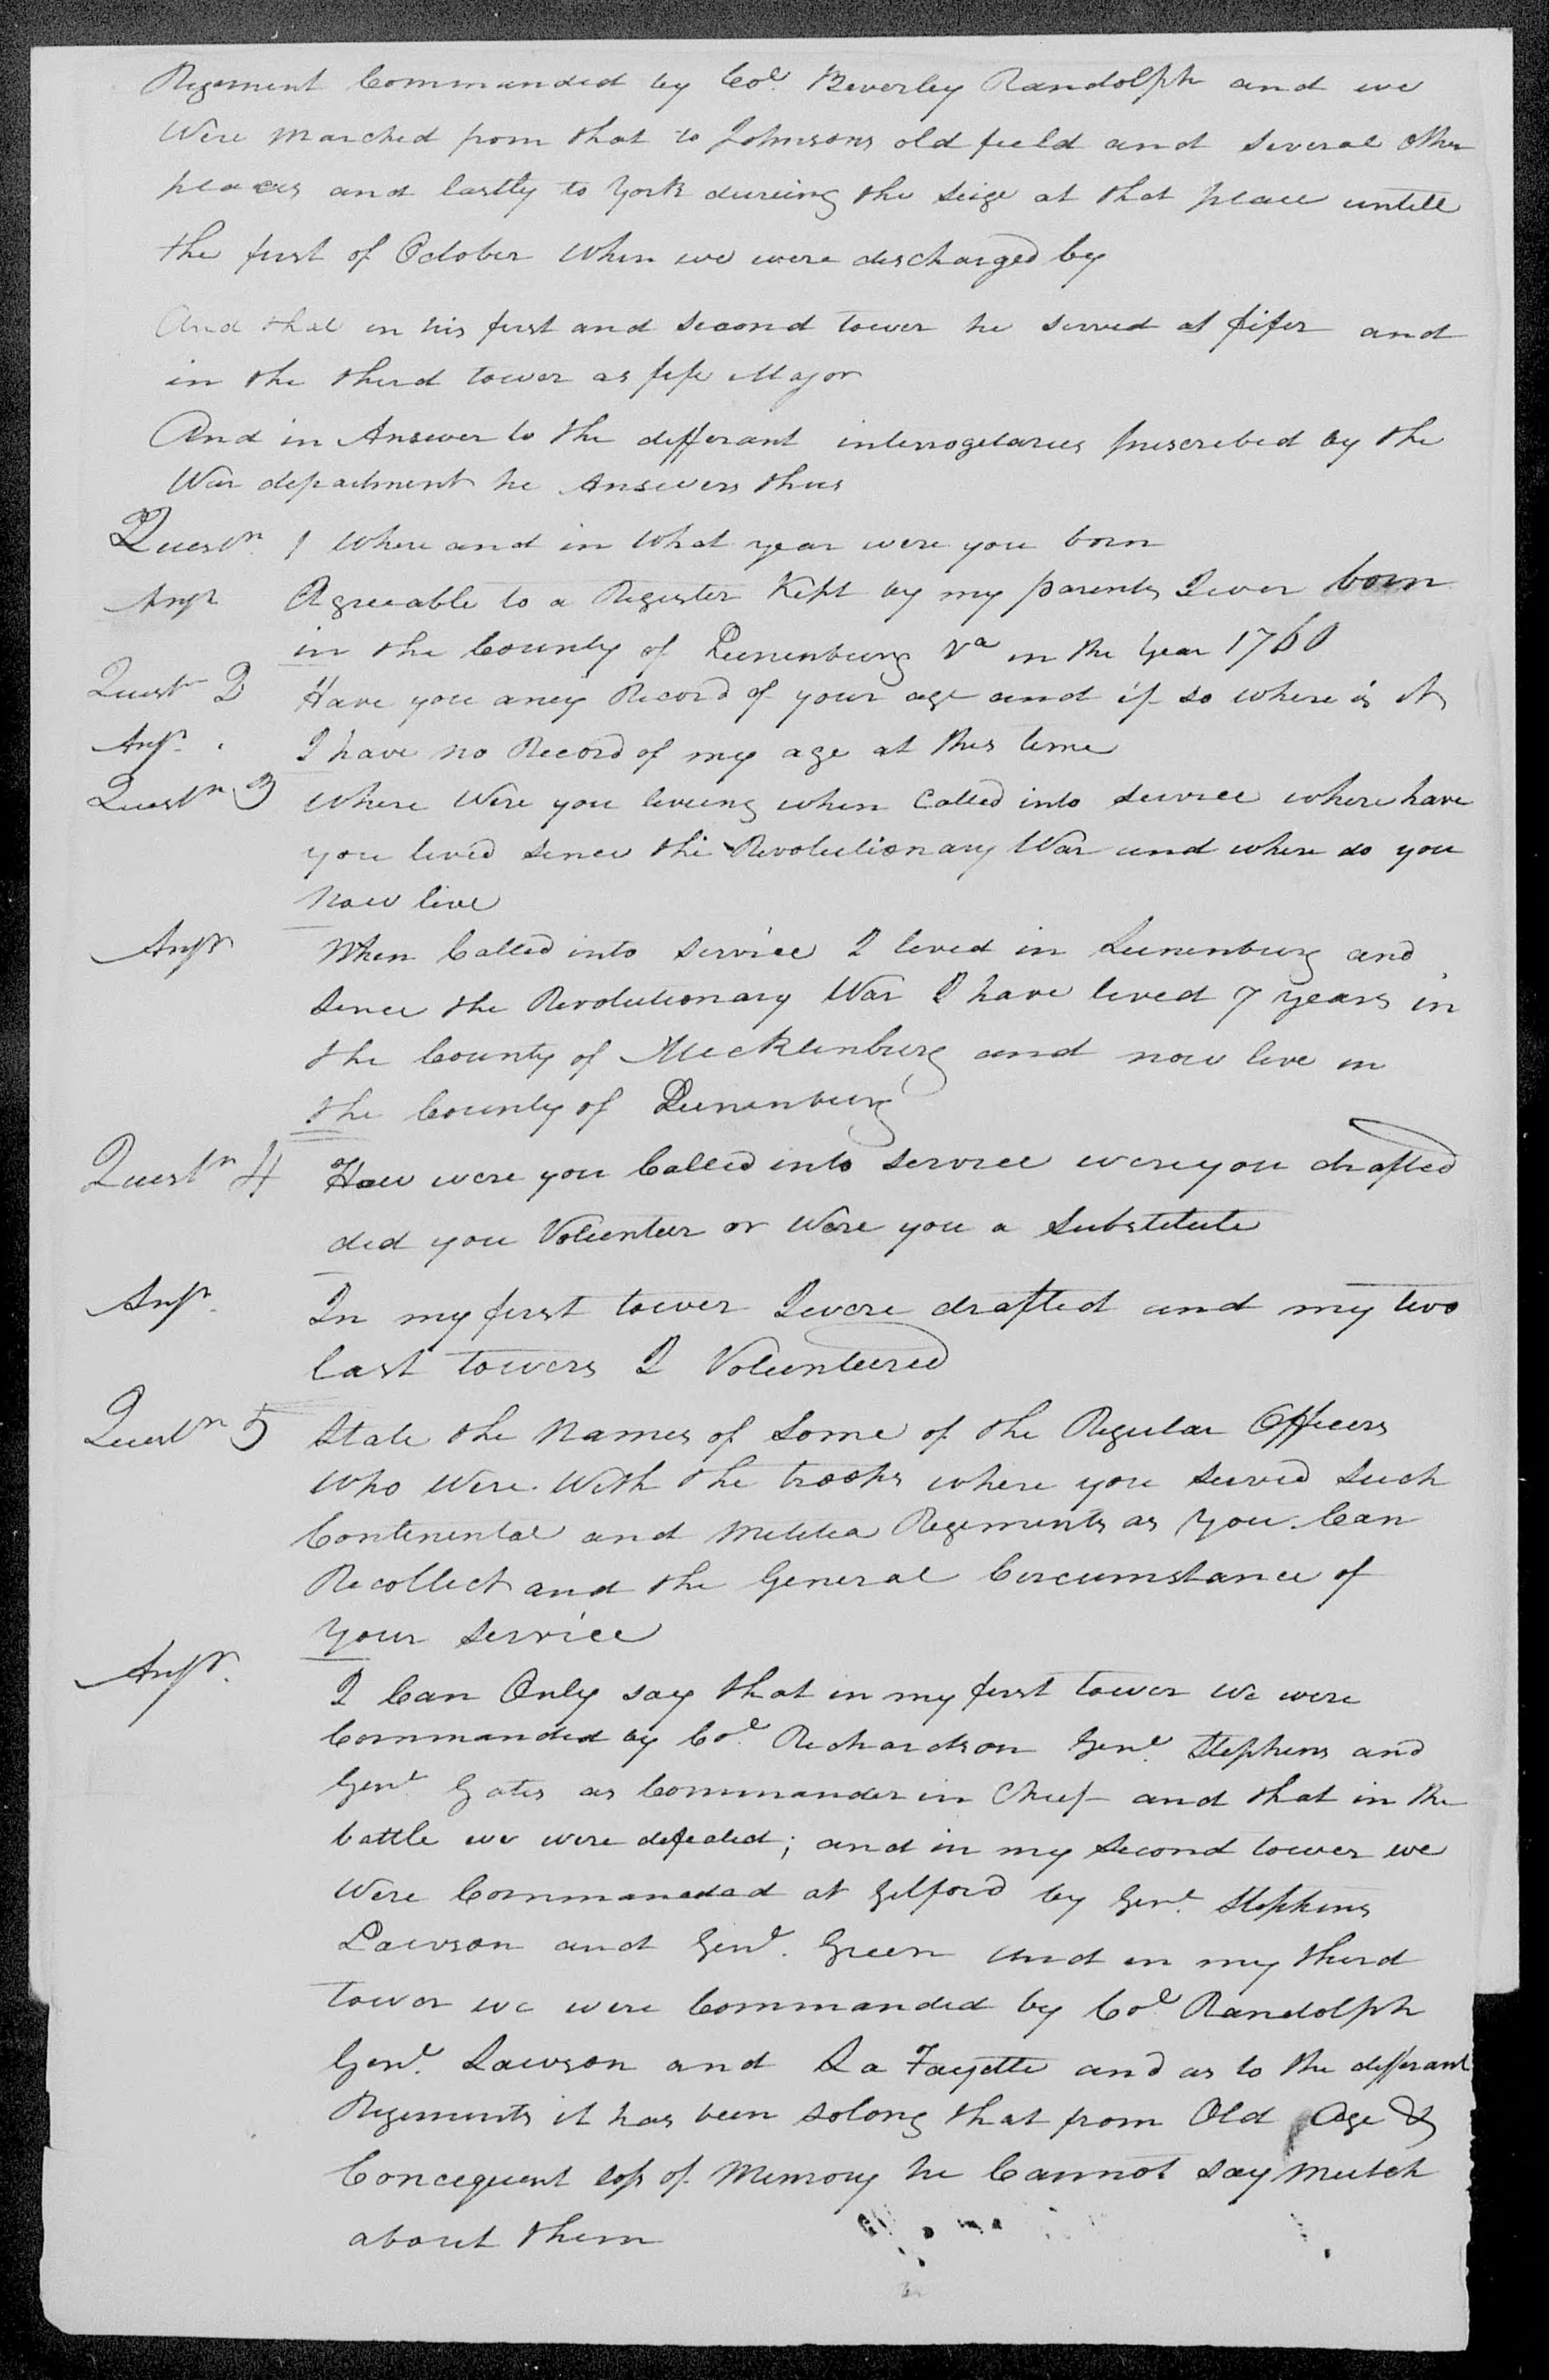Regement [Regiment] commanded by Col. Beverley Randolph and we were marched from that to Johnson’s old field and several other places and lastly to York during the siege at that place untill [until] the first of October when we were discharged by [blank] 
And that in his first and second tower he served as fifer and in the third tower as fife Major 
And in Answer to the different interrogatories prescribed by the War department he Answers thus 
Quest’n [Question] 1 Where and in what year were you born 
Ans’r [Answer] Agreeable to a Register kept by my parents I was born in the County of Lunenburg Va in the year 1760 
Quest’n 2 Have you any record of your age and if so where is it 
Ans’r I have no record of my age at this time 
Quest’n 3 Where were you liveing [living] when called into service where have you lived since the Revolutionary War and where do you now live 
Ans’r When called into service I lived in Lunenburg and since the Revolutionary War I have lived 7 years in the County of Mecklenburg and now live in the County of Lunenburg 
Quest’n 4 How were you called into service were you drafted did you Volunteer or were you a substitute 
Ans’r. In my first tower I were [was] drafted and my two last towers I Volunteered
Quest’n 5 State the names of some of the Regular Officers who were with the troops where you served such Continental and militia Regiments as you can recollect and the general circumstances of your service 
Ans’r. I can only say that in my first tower we were commanded by Col. Richardson Gen’l. [General] Stephens and Gen’l. Gates as Commander in Chief and that in the battle we were defeated; and in my second tower we were Commanded at Gilford by Gen’l. Stephens [General Robert] Lawson and Gen’l. Green [General Nathanael Greene] and on my third tower we were Commanded by Col Randolph Gen’l. Lawson and LaFayette and as to the different Regiments it has been solong [so long] that from Old Age & Concequent [consequent] loss of memory he cannot say mutch [much] about them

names: Green, Lawson, Randolph, Stephens Lawson, Beverley Randolph, Gates, La Fayette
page: 5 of 19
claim: widow's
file: W. 2517, William Bragg, Va.